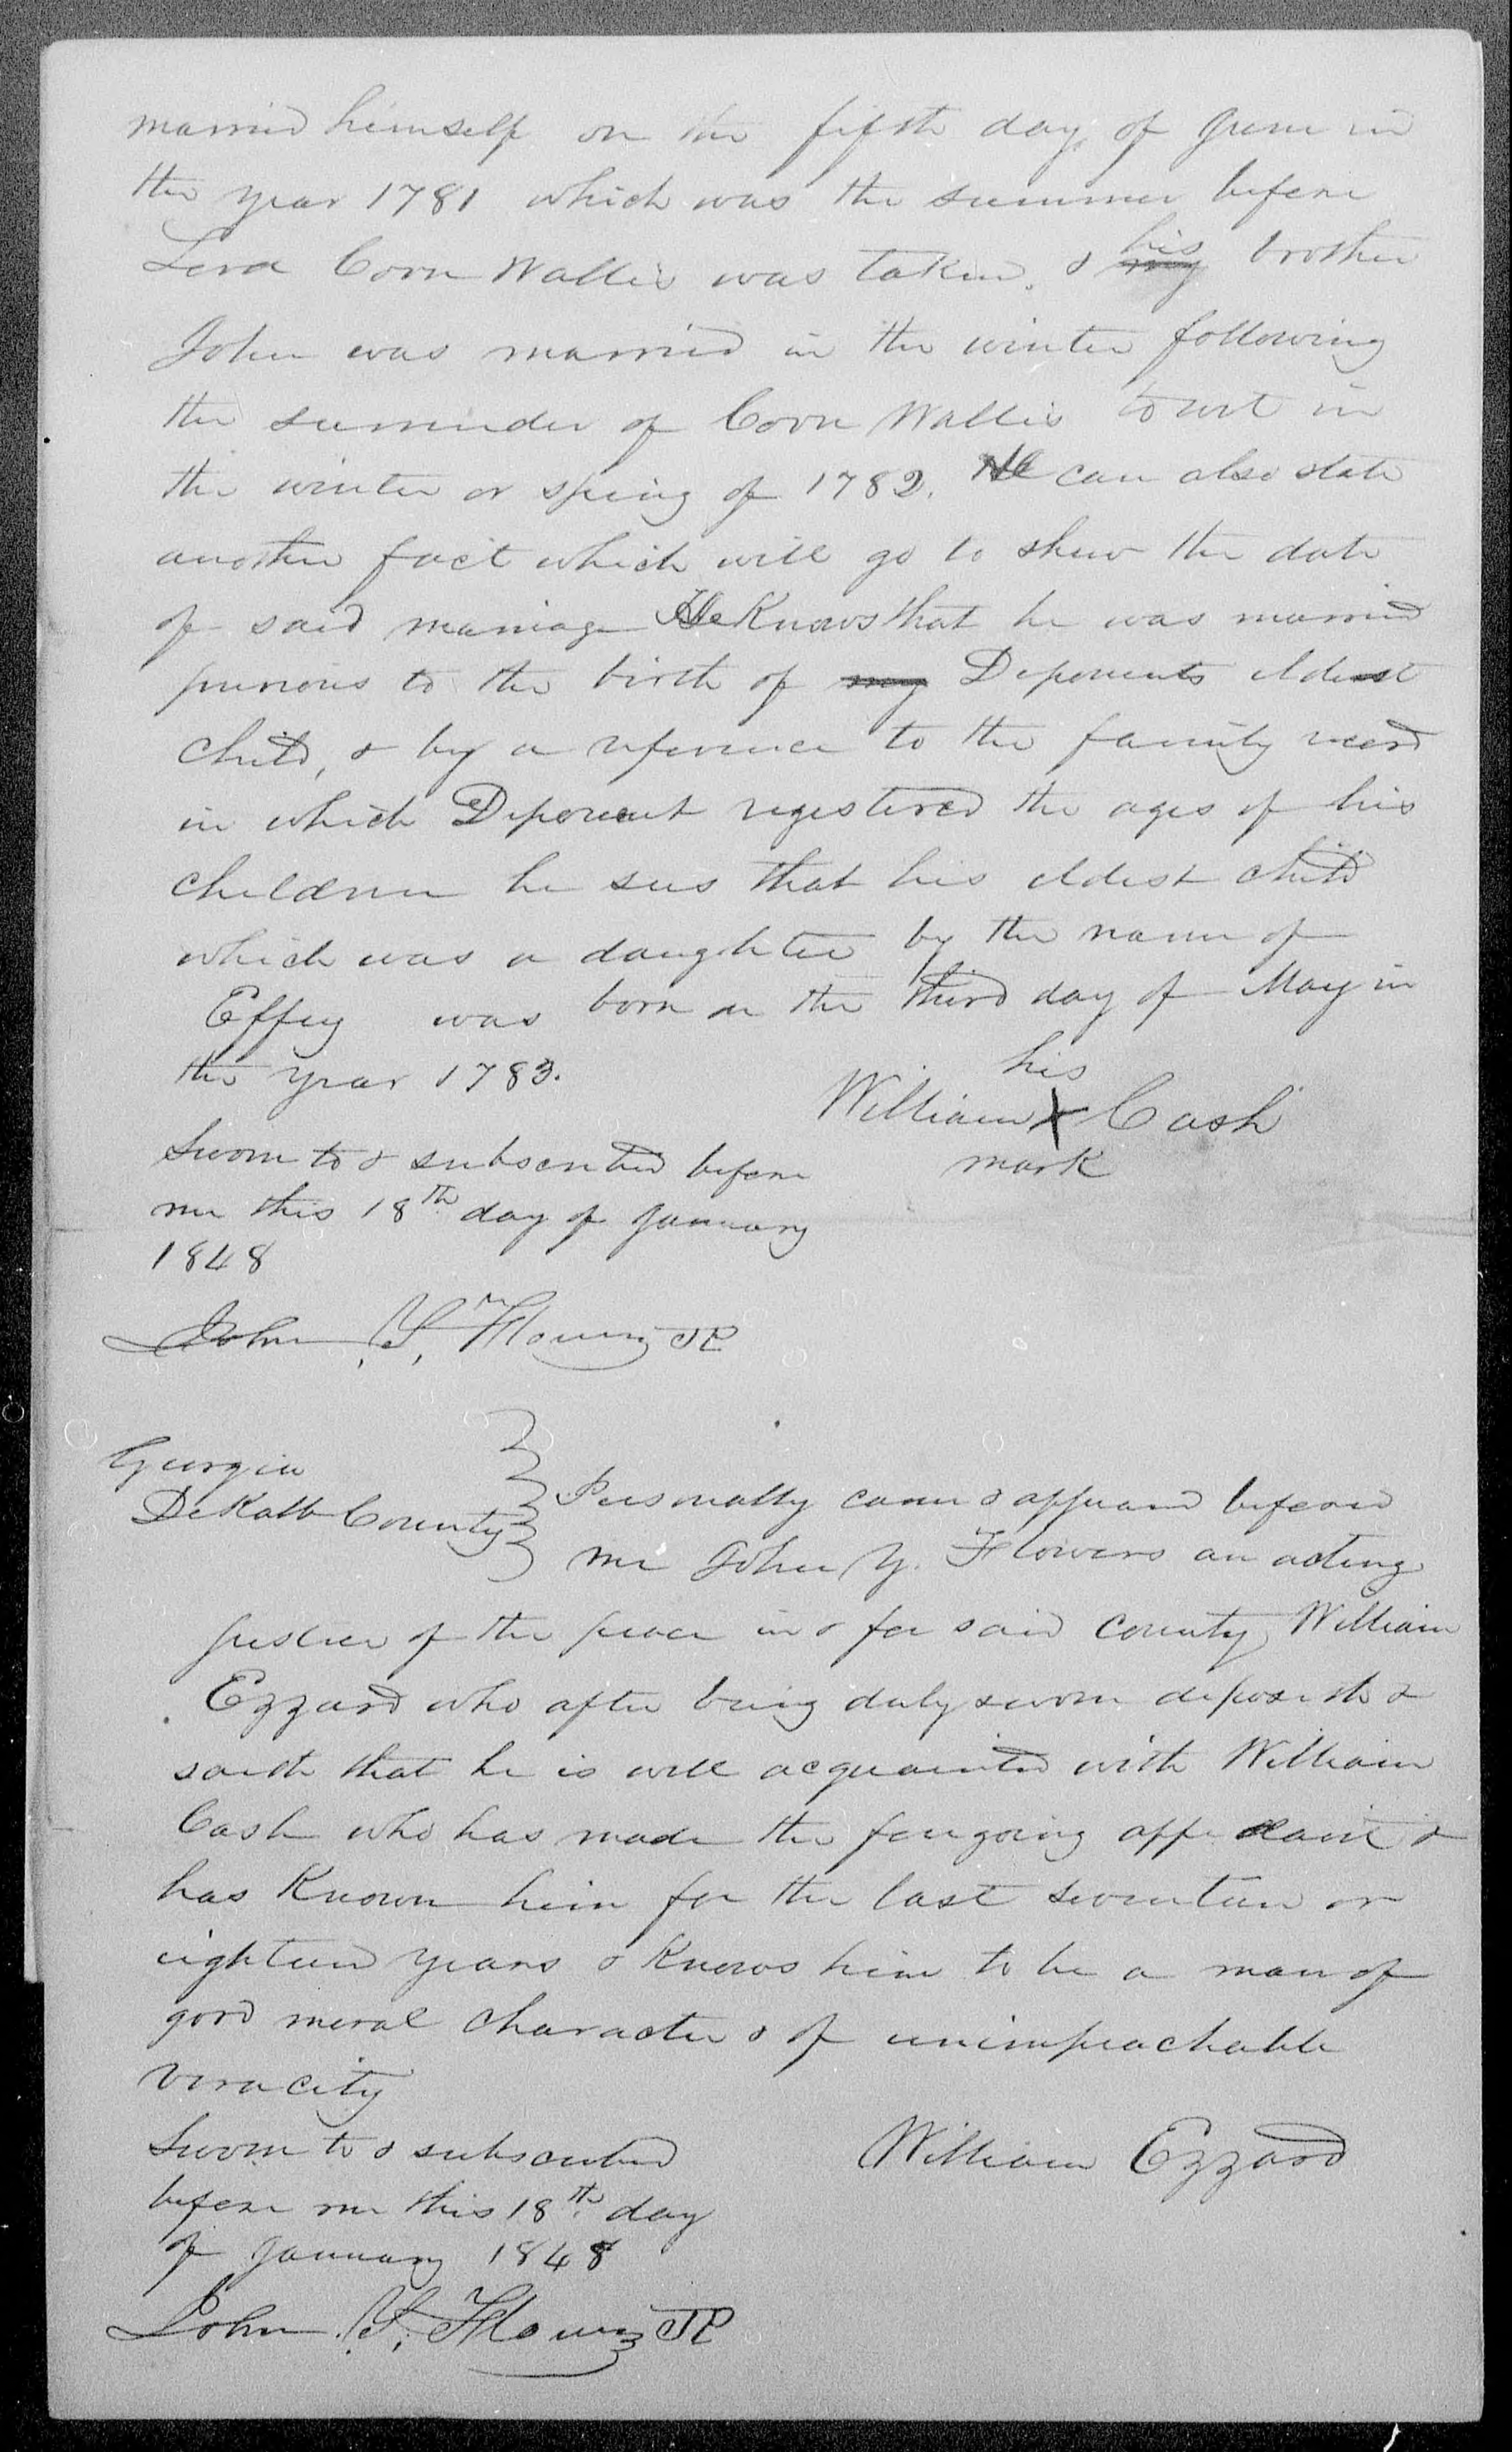married himself on the fifth day of June in the year 1781 which was the summer before Lord Cornwallis was taken, & brother John was married in the winter following the surrender of Cornwallis to wit in the winter or spring of 1782. He can also state another fact which will go to shew the date of said marriage. He knows that he was married previous to the birth of Deponents oldest child & by a reference to the family record and
in which deponent registered the ages of his children he sues that his eldest child
which was a daughter by the name of Effey was born on the third day of May in the year 1783.
                           William Cash (x) his mark


Sworn to & subscribed before me this 18th day of January 1868
            John G. flowers JP

Georgia
DeKalb County ⎬ Personally came & appeared before me, John G. Flowers an acting Justice of the peace in & for said County, William Ezzard who after being duly sworn deposeth & saith that he is well acquainted with William Cash who has made the foregoing affidavit and 
has known him for the last seventeen or
eighteen years & knows him to be a man of good moral character & of unimpeachable veracity.
                 Willam Ezzard

Sworn to & subscribed before me this 18th day of January 1848
John S. Flowers JP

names: William Cash, John G Flowers, John G Flowers, John G Flowers, William Cash, William Ezzard, John, William Ezzard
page: 15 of 73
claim: widow's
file: W. 5,894, John Cash, Va.